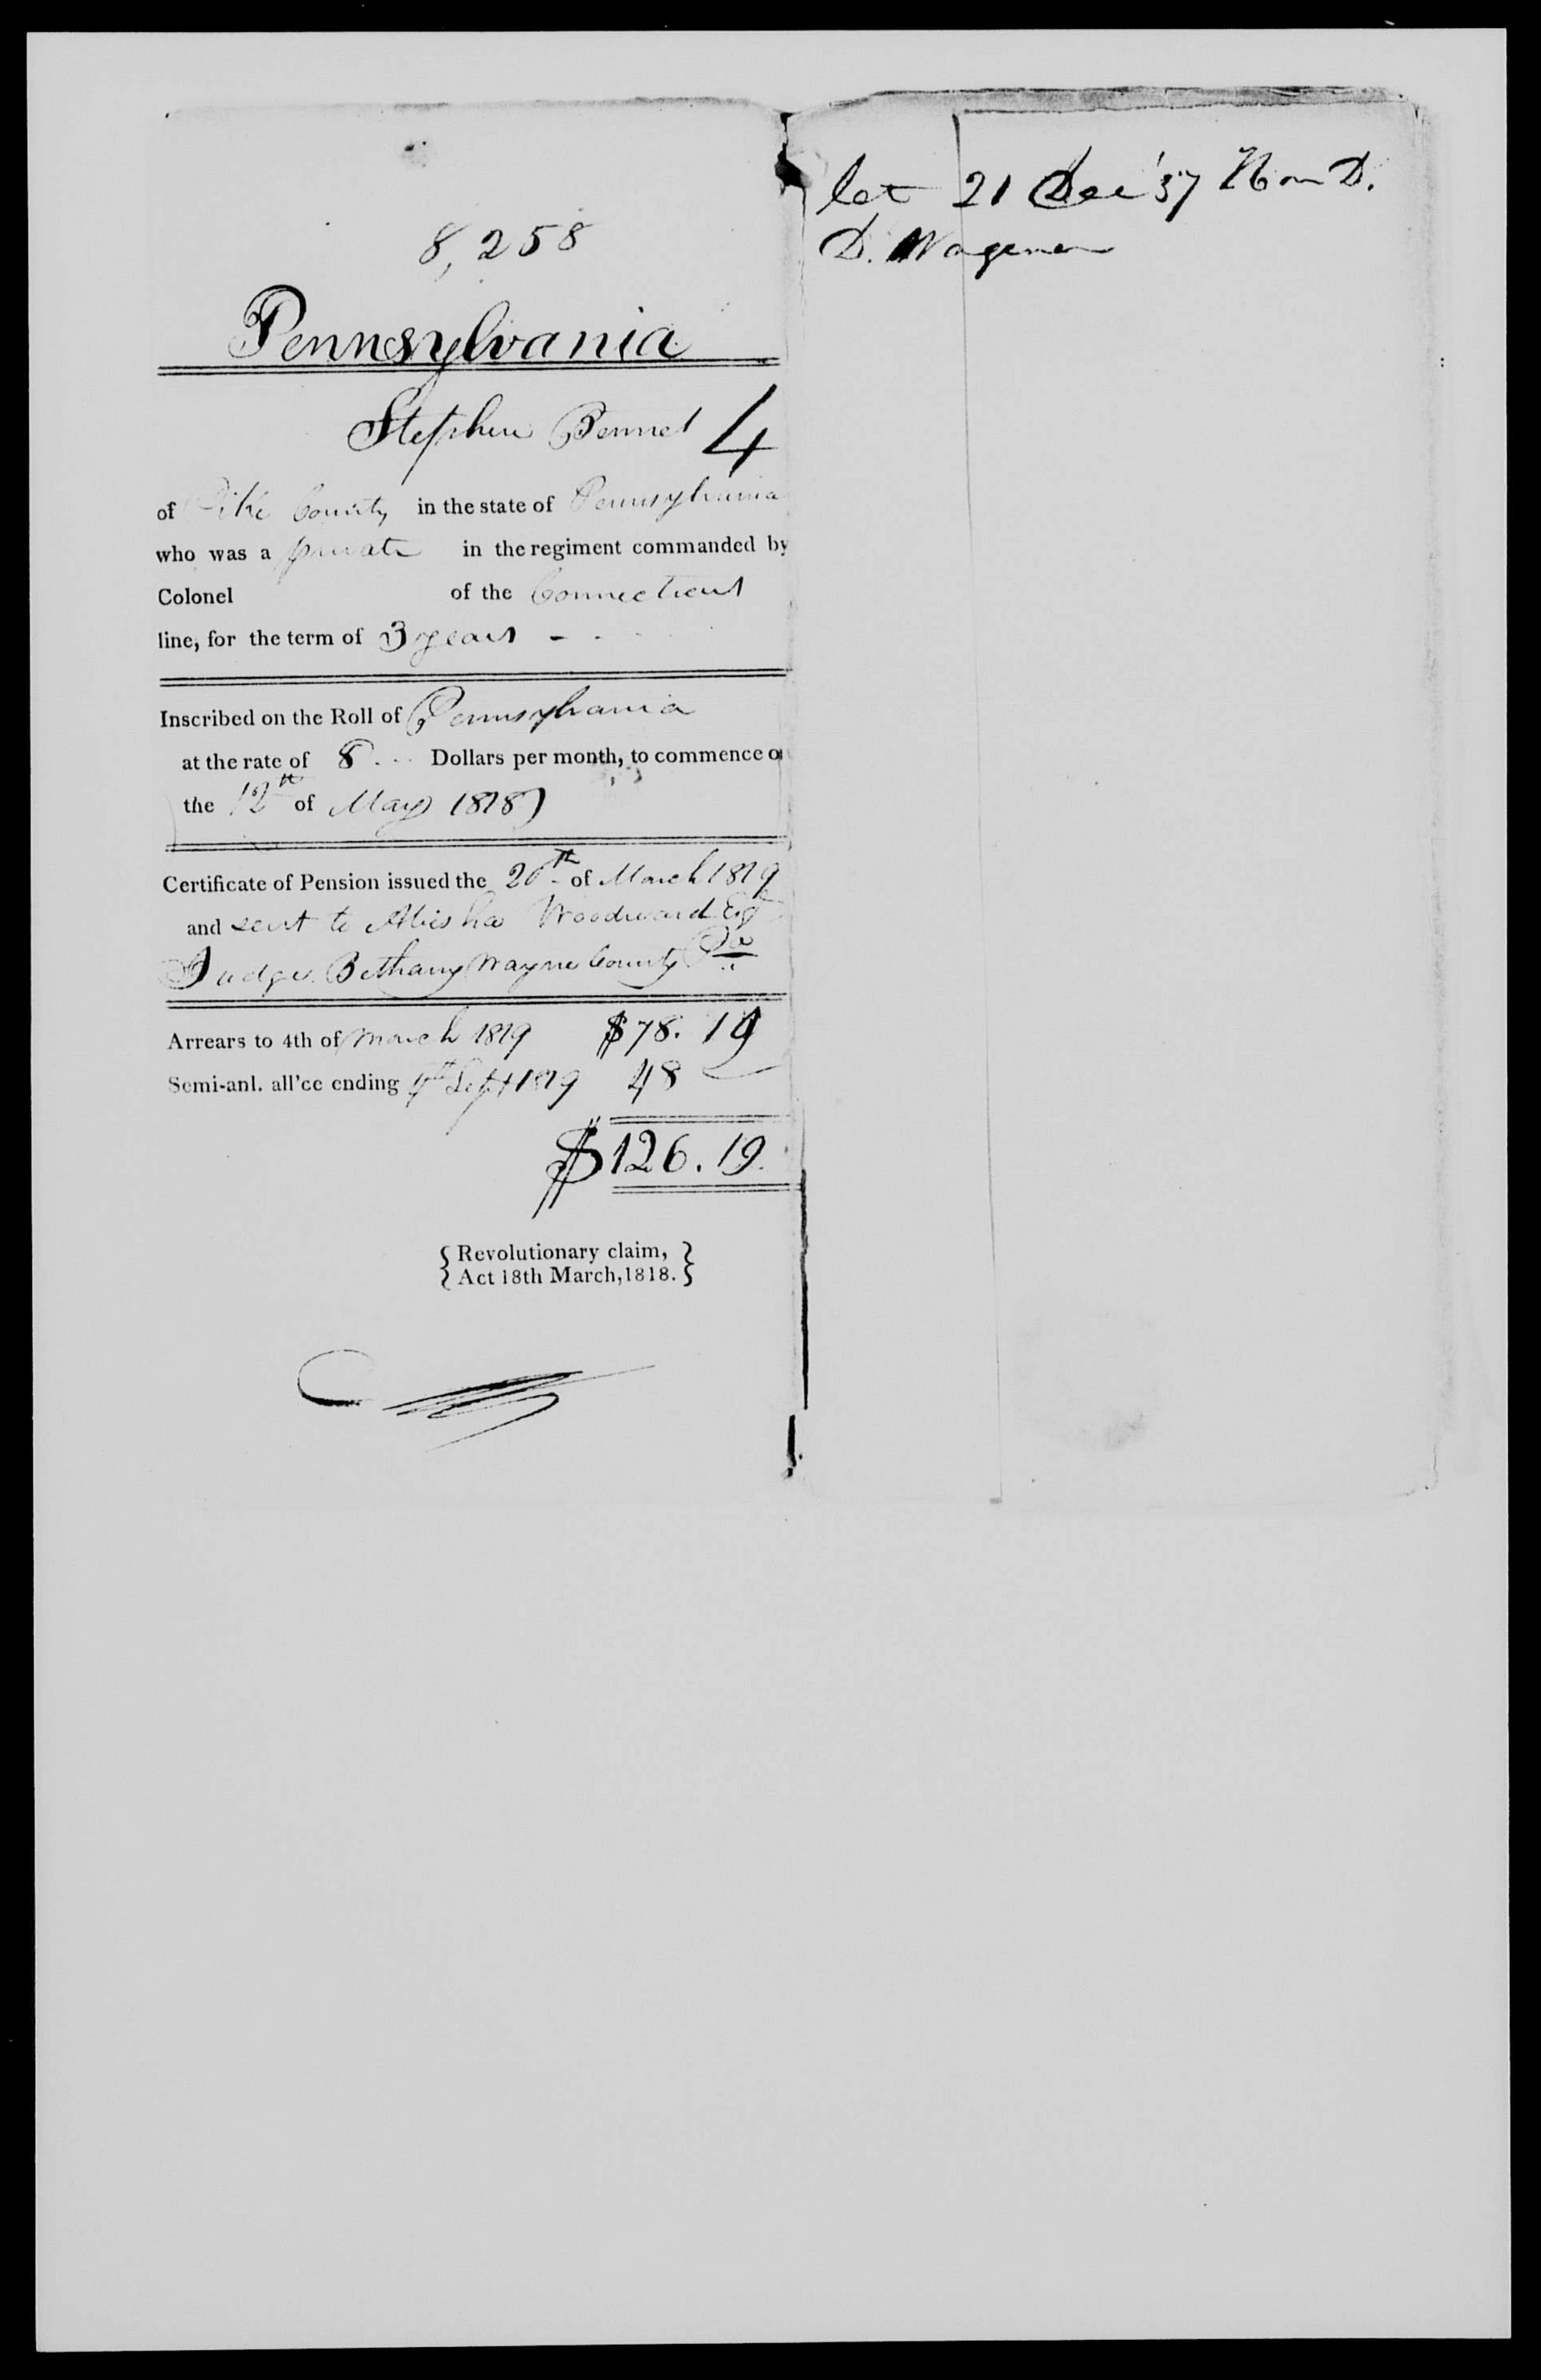8,258

Pennsylvania
Stephen Bennet 4 of Pike County in the state of Pennsylvania who was a private in the regiment commanded by Colonel ______ of the Connecticut line, for the term of 3 years---
Inscribed on the Roll of Pennsylvania at the rate of 8 ....Dollars per month, to commence on the 12th of May 1818 )
Certificate of Pension issued the 20th of March 1819 and sent to Alisha Woodward (illegible) Judge Bethany Mayne County Pa
Arrears to 4th March 1819  $78.19
Semi-anl. all'ce ending 4th (illegible) 48__
$126.19
{Revolutionary claim,}
{Act 18th March, 1818}
Lot 21 (illegible)
D. Wagener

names: Stephen Bennet, Abisha Woodward, D Wagener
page: 3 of 79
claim: widow's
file: W. 2,906, Stephen Bennet, Conn.